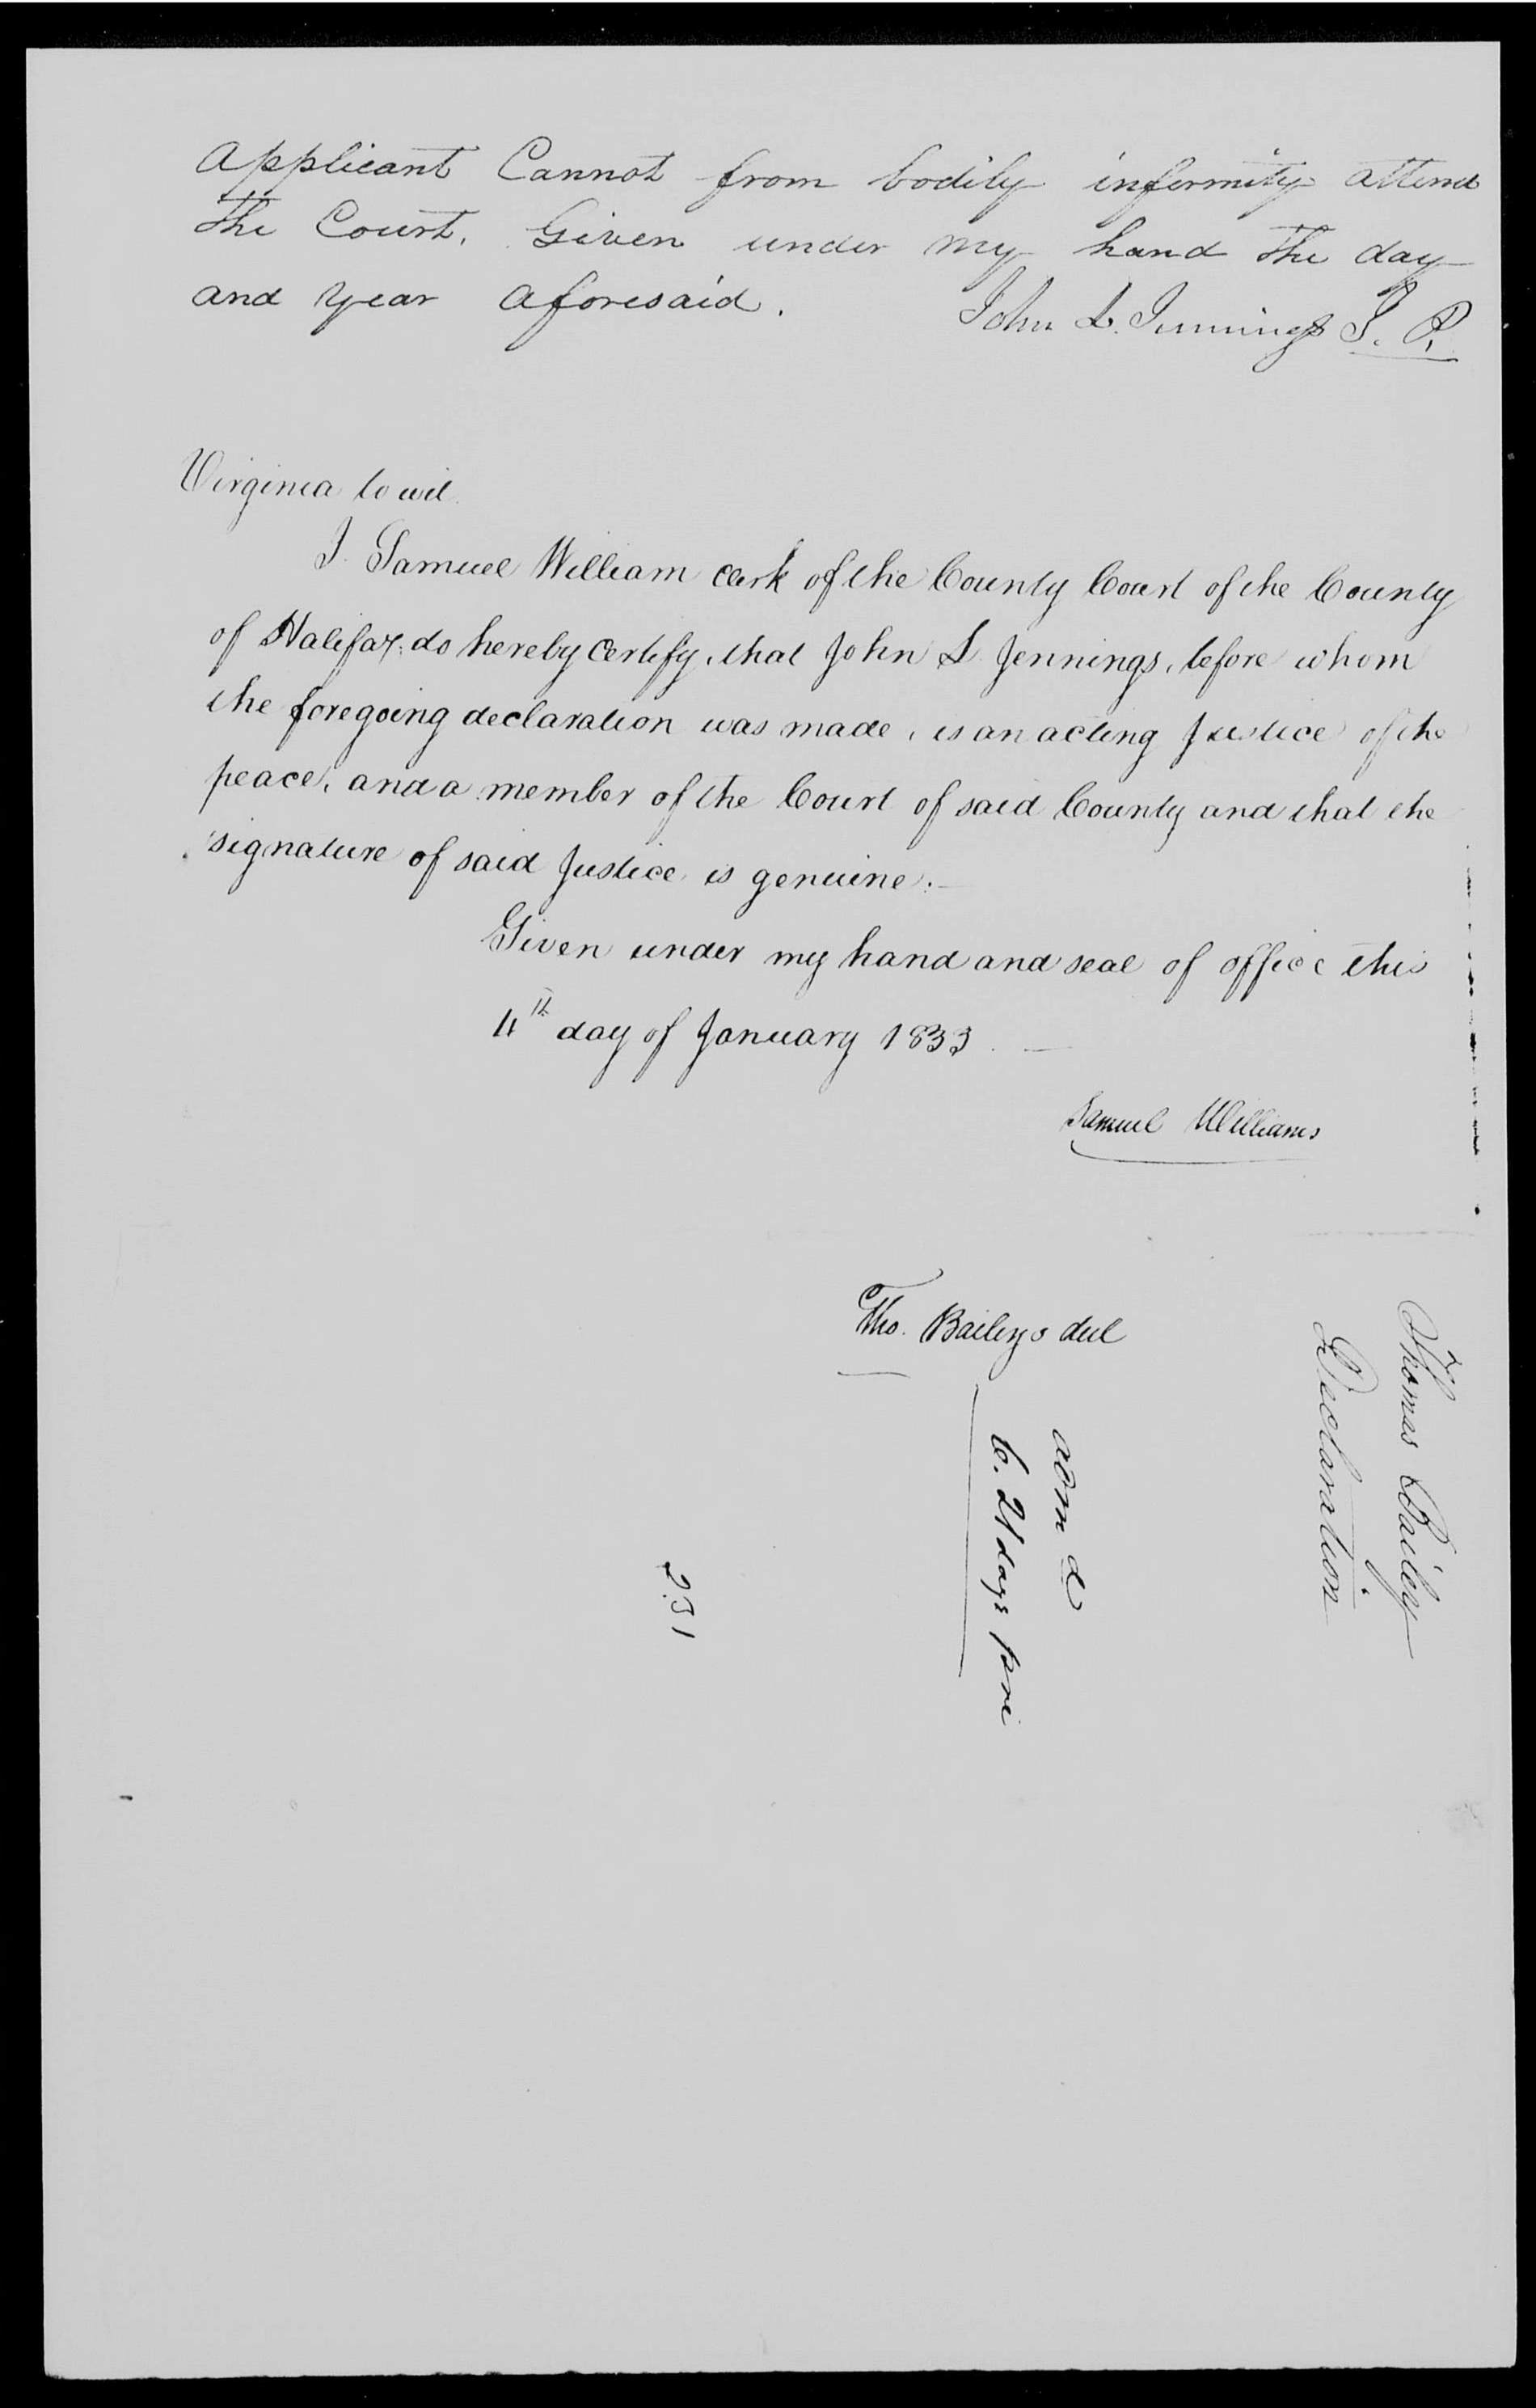applicant cannot from bodily infirmity attend
the Court.  Given under my hand the day
and year aforesaid.
John L. Jennings J.P.

Virginia to wit:
I Samuel William clerk of the County Court of the County
of Halifax do hereby certify that John L Jennings, before whom
the foregoing declaration was made, is an acting Justice of the
peace, and a member of the Court of said county and that the
signature of said Justice is genuine.
Given under my hand and seal of office this
4th day of January 1833
Samuel Williams

Tho Bailey's decl

[perpendicular to the page.]
Thomas Bailey
Declaration

adm'd
6.21 days pri

2.31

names: Tho Baileys, Lamuel Williams, Thomas Bailey, John L Jennings, Lamuel William, John L Jennings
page: 8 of 18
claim: survivor's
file: S. 6578, Thomas Bailey, Va.